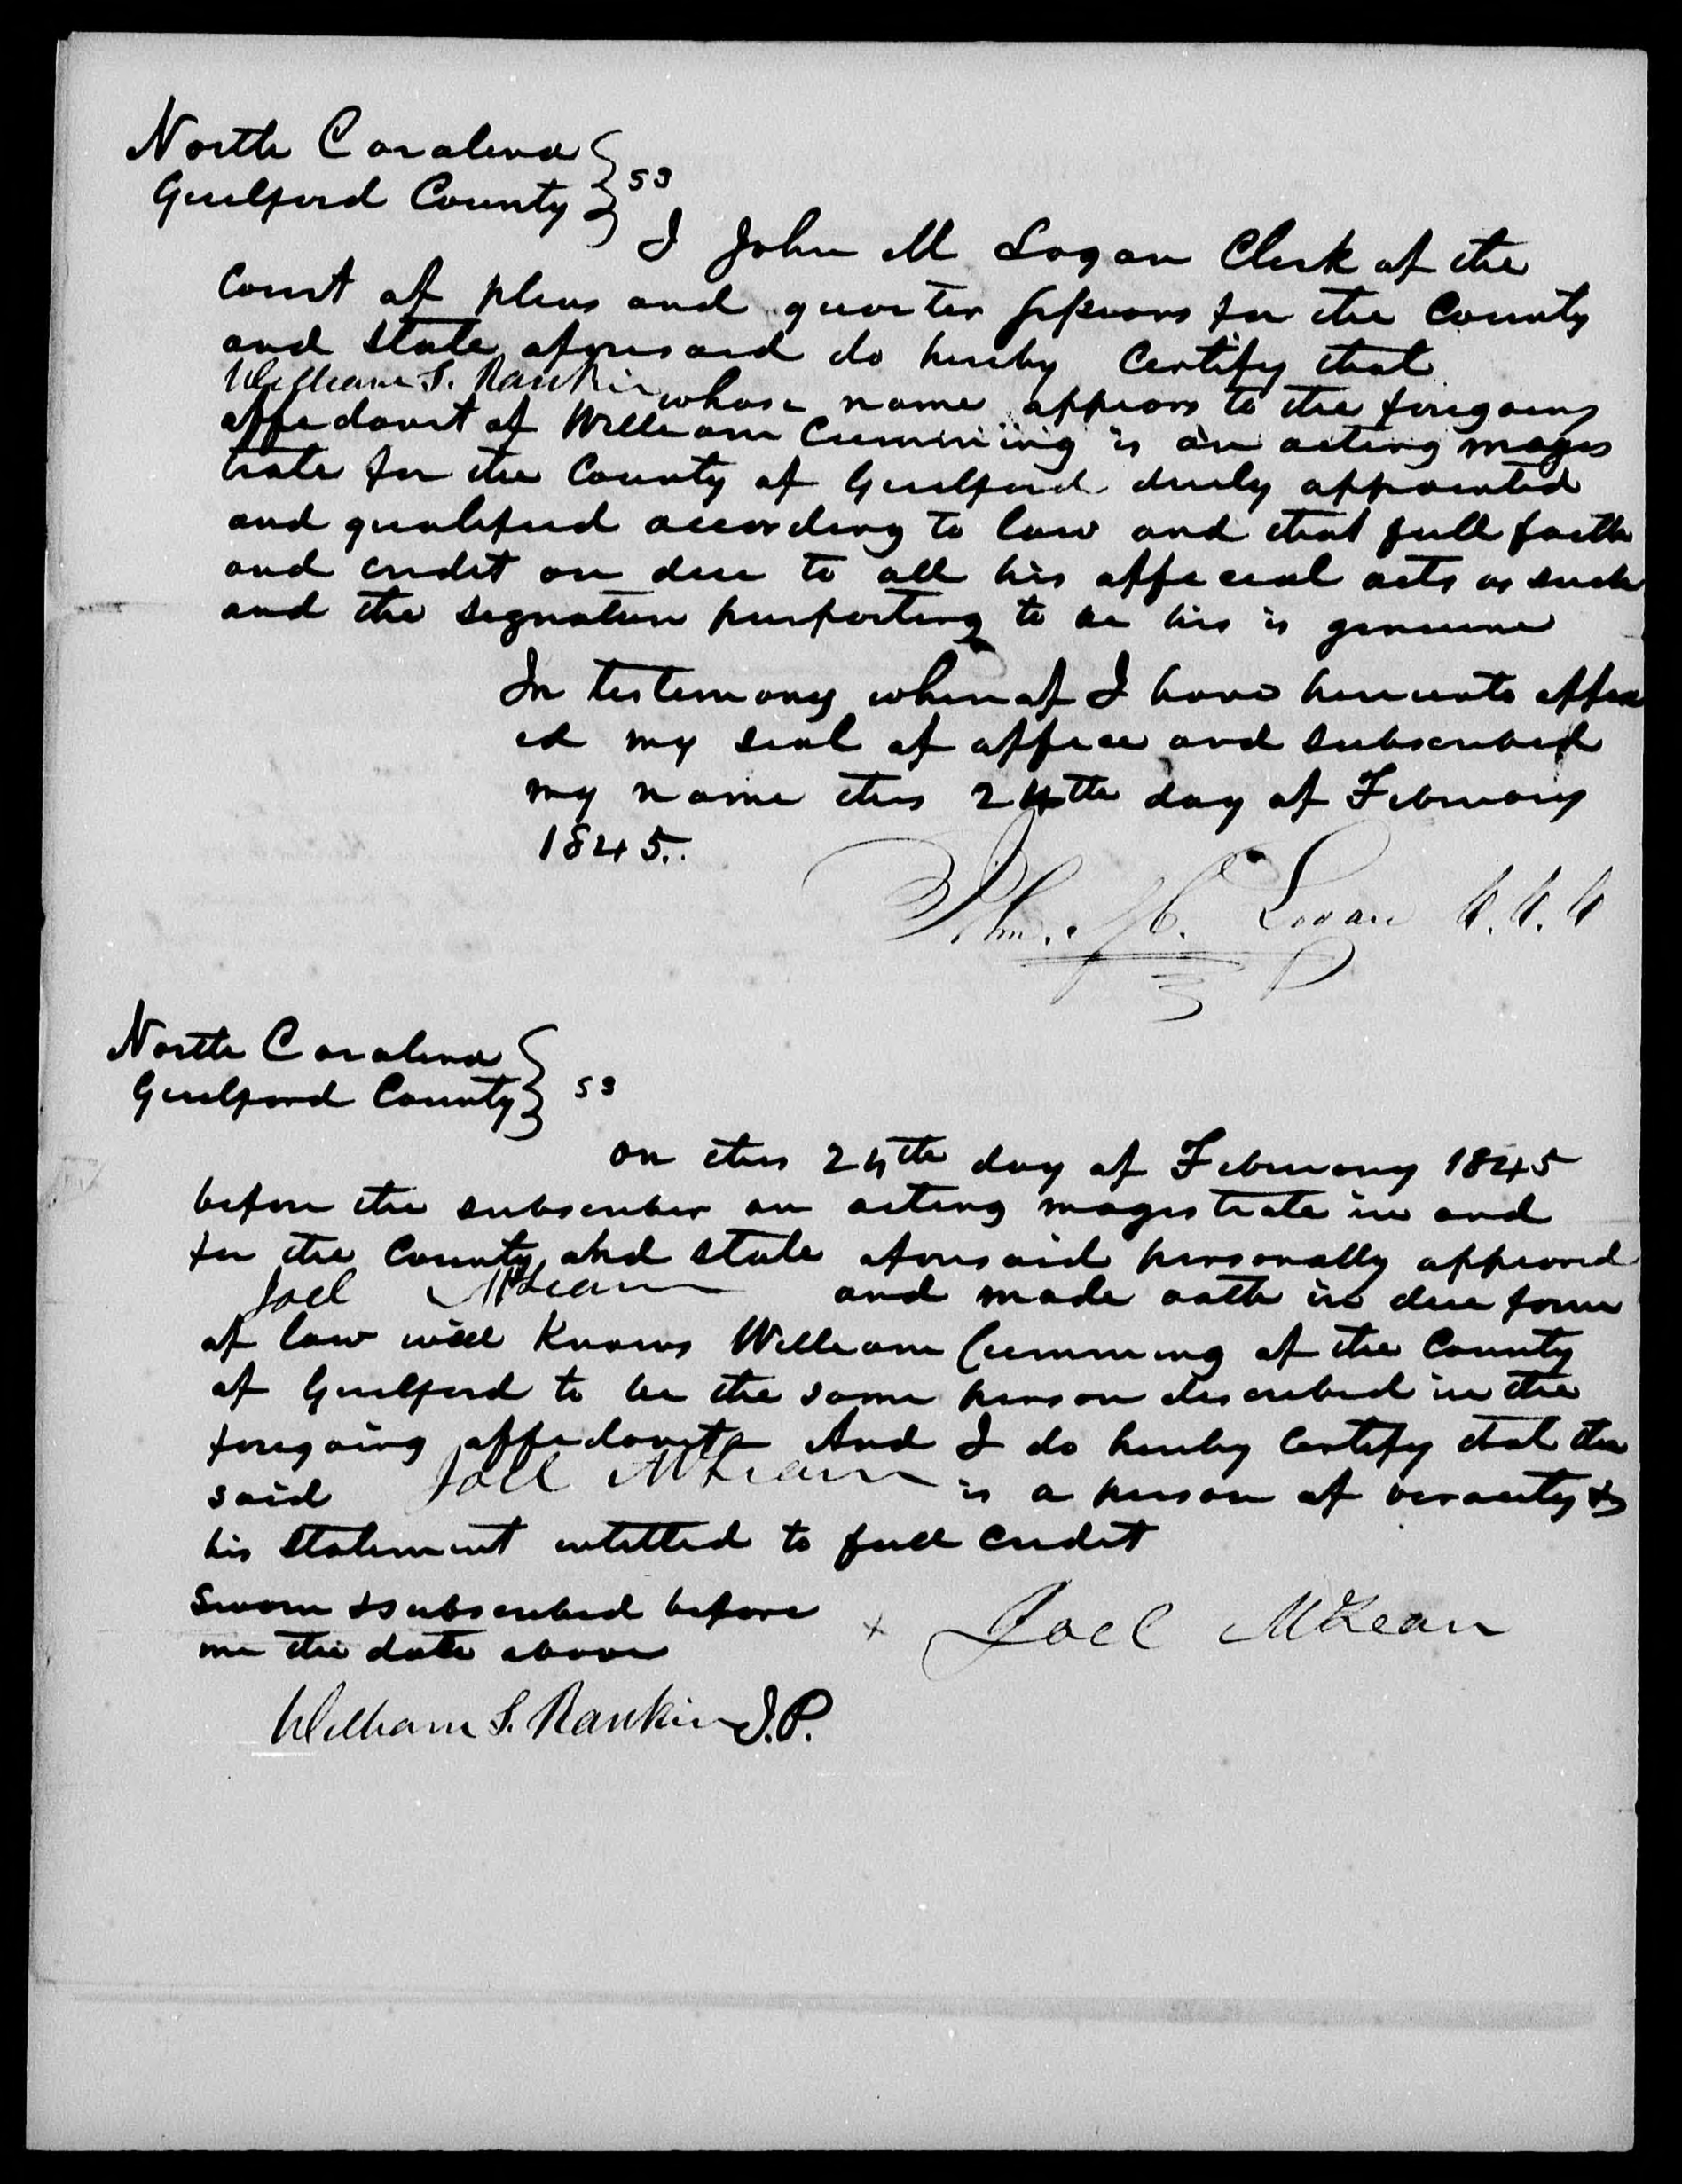[Handwritten record]

North Carolina) SS
Guilford County) 

I John M [or H] Logan Clerk of the Court of pleas and quarter Sessions for the County and State aforesaid do hereby Certify that [in lighter ink:] William S. [or J. or T.] Rankin [resuming dark ink:] whose name appears to the foregoing affidavit of William Cumming is an acting magistrate for the County of Guilford, duly appointed and qualified according to law and that full faith and credit are due to all his official acts as such and the signature purporting his is genuine

In testimony whereof I have hereunto Affixed my seal of office and Subscribed by name this 24th day of February 1845.

[Ornate signature with flourish, in light ink:] John H. Logan C.C.C [possibly meaning Clerk of the County Court]

North Carolina)
Guilford County) SS

On this 24th day of February 1845 before the subscriber an acting magistrate in and for the County And State Aforesaid personally appeared [here the following name is in lighter ink] Joel McLean and made oath in due form of law [illegible word] Knows William Cumming of the County of Guilford to be the same person described in the foregoing affidavit And I do hereby Certify that the said [here the following name is in light ink:] Joel McLean is a person of veracity and his Statement entitled to full credit

Sworn and subscribed before me the date above 

[There is a small X mark to the left of the following signature, and both are in light ink:] Joel McLean

[In a third handwriting style, in medium ink:] William S. [or J. or T.] Rankin [with the following in darker ink:] J.P. [Justice of the Peace]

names: William Cumming, William S Rankin, Joel Mc Lean, John M Logan, John M Logan, Joel Mc Lean, William S Rankin, Joel Mc Lean, William Cumming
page: 98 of 145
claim: survivor's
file: S. 8265, William Cumming, N.C.